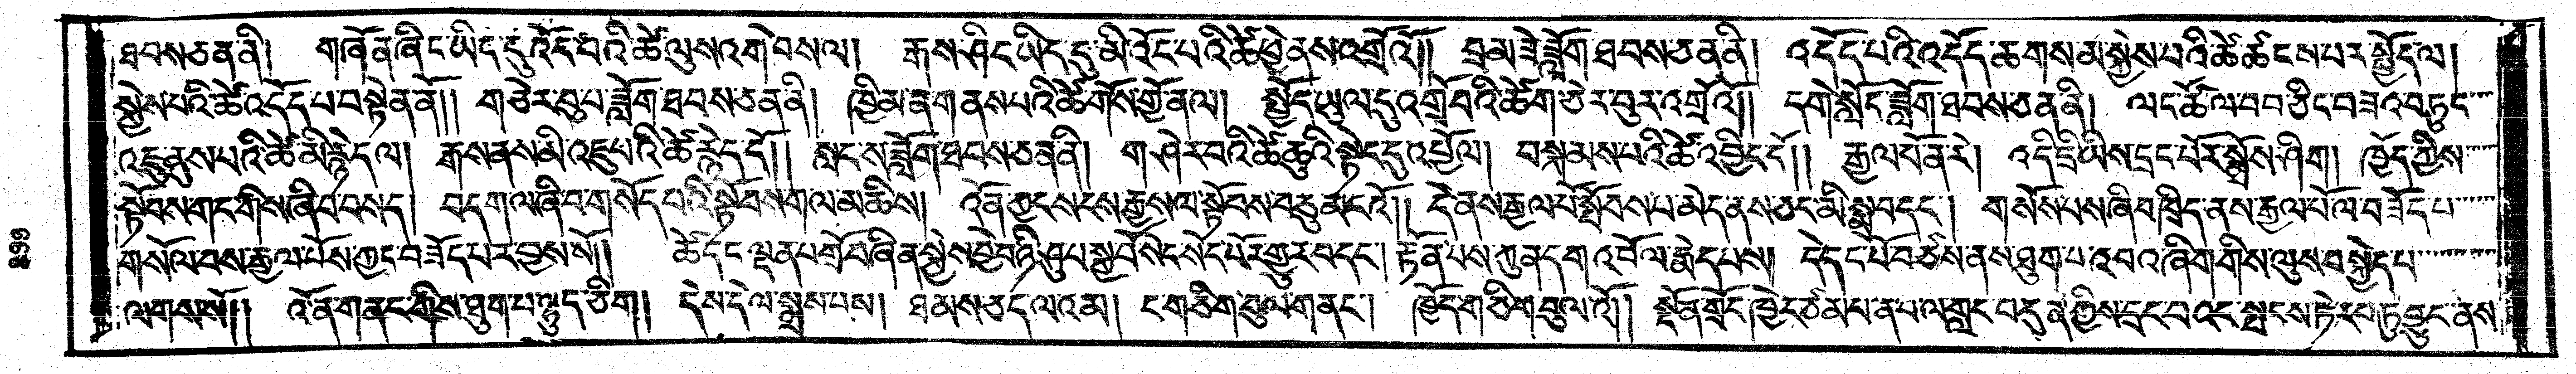ཐབས་ཅན་ནི། གཞོན་ཞིང་ཡིད་དུ་འོང་བའི་ཚེ་ལུས་འགེབས་ལ། རྒས་ཤིང་ཡིད་དུ་མི་འོང་པའི་ཚེ་ཕྱེ་ནས་འགྲོའོ།། བྲམ་ཟེ་ཟློག་ཐབས་ཅན་ནི། འདོད་པའི་འདོད་ཆགས་མ་སྐྱེས་པའི་ཚེ་ཚངས་པར་སྤྱོད་ལ།
སྐྱེས་པའི་ཚེ་འདོད་པ་བསྟེན་ནོ།། གཅེར་བུ་པ་ཟློག་ཐབས་ཅན་ནི། ཁྱིམ་ན་གནས་པའི་ཚེ་གོས་གྱོན་ལ། སྤྱོད་ཡུལ་དུ་འགྲོ་བའི་ཚེག་ཅེར་བུར་འགྲོའོ།། དགེ་སློང་ཟློག་ཐབས་ཅན་ནི། ལང་ཚོ་ལ་བབ་ཅིང་བཟའ་བཏུང་
འཇུ་ནུས་པའི་ཚེ་མི་རྙེད་ལ། རྒས་ནས་མི་འཇུ་པའི་ཚེ་རྙེད་དོ།། སླང་ས་ཟློག་ཐབས་ཅན་ནི། གཤེར་བའི་ཚེ་ཆུའི་སྟེང་དུ་འབྱོལ། བསྐམས་པའི་ཚེ་འབྱིང་ངོ།། རྒྱལ་པོ་ན་རེ། འདི་དྲི་ཡིས་དྲང་པོར་སྨྲོས་ཤིག། ཁྱོད་ཀྱིས་
སྟོབས་གང་གིས་ཞིབ་བསད། བདག་ལ་ཞིབ་གསོད་པའི་སྟོབས་ག་ལ་མཆིས། འོན་ཀྱང་སངས་རྒྱས་ལ་སྟོབས་བཅུ་མངའོ།། དེ་ནས་རྒྱལ་པོ་སྤོབས་པ་མེད་ནས་ཅང་མི་སྨྲ་བ་དང་། གསོས་པས་ཞིབ་ཁྲིད་ནས་རྒྱལ་པོ་ལ་བཟོད་པ་
གསོལ་བས་རྒྱལ་པོས་ཀྱང་བཟོད་པར་བྱས་སོ།། ཚེ་དང་ལྡན་པ་གྲོ་བཞིན་སྐྱེས་བྱེ་བ་ཉི་ཤུ་པ་སྐྱ་བོ་སེང་སེང་པོར་གྱུར་བ་དང་། རྟོན་པས་ཀུན་དགའ་བོ་ལ་རྨེད་པས། དེ་དང་པོ་བཙས་ནས་ཐུག་པ་འབའ་ཞིག་གིས་ལུས་བསྐྱེད་པ་
ལགས་སོ།། འོ་ན་གནང་གིས་ཐུག་པ་ལྷུད་ཅིག། དེས་དེ་ལ་སྨྲས་པས། ཐམས་ཅད་ལ་འམ། ང་གཅིག་བུ་ལ་གནང་། ཁྱོད་གཅིག་བུ་ལའོ།། སྔོན་གྲོང་ཁྱེར་ཙམ་པ་ན་བ་ལ་གླང་བདུན་གྱིས་དྲང་བའང་སྤངས་ཏེ་རབ་ཏུ་བྱུང་ནས་